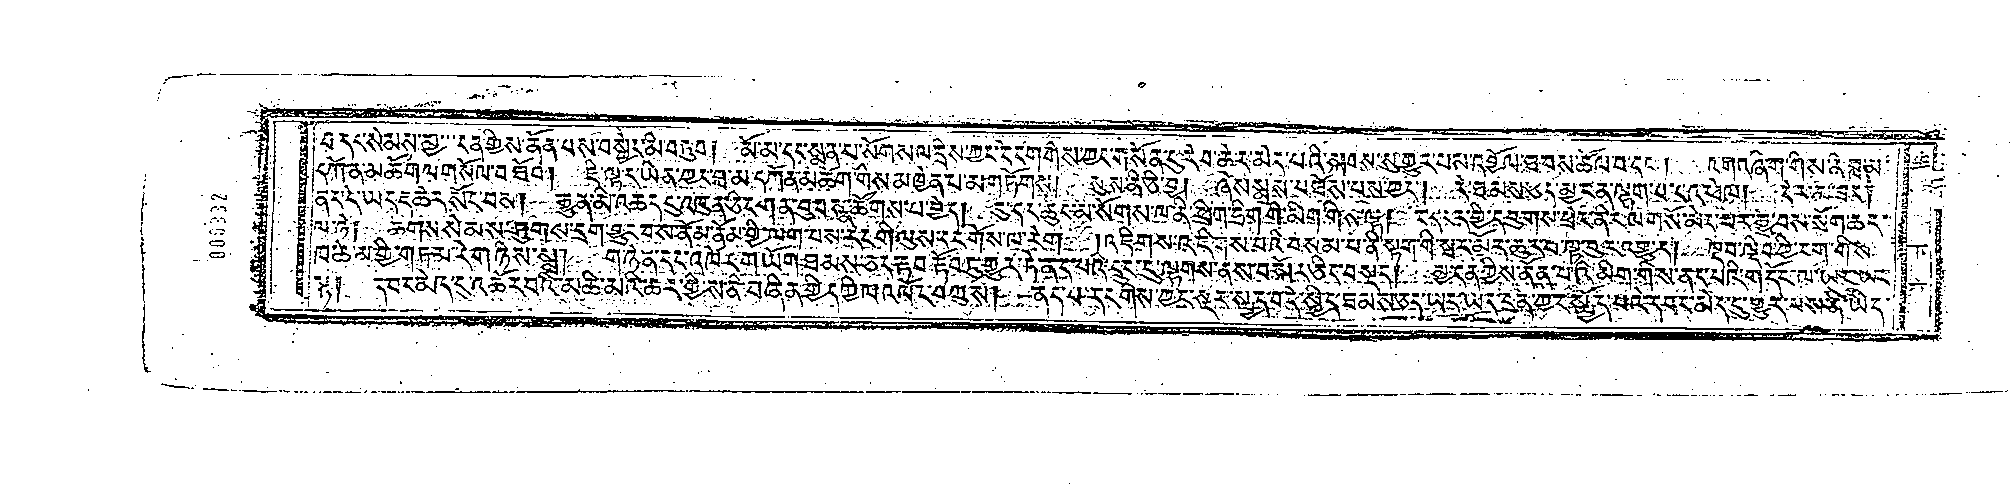བ་དང་སེམས་མྱ་ངན་གྱིས་ནོན་པས་བསྐྱེད་མི་བཏུབ། མོ་མ་དང་སྨན་པ་སོགས་ལ་དྲིས་ཀྱང་དེ་དག་གིས་ཀྱང་གསོན་དུ་རེ་བ་ཆེར་མེད་པའི་སྐབས་སུ་གྱུར་པས་འབྱོལ་ཐབས་ཚོལ་བ་དང་། འགའ་ཞིག་གིས་ནི་བླ་མ་
དཀོན་མཆོག་ལ་གསོལ་བྠོབ། ཇི་ལྟར་ཡིན་ཀྱང་བླ་མ་དཀོན་མཆོག་གིས་མཁྱེན་པ་མ་གཏོགས། སུས་ནི་ཅི་བྱ། ཞེས་སྨྲས་པ་ཐོས་པས་ཀྱང་། དེ་ཐམས་ཅད་མྱ་ངན་ལྷག་པར་འཕེལ། དེར་མ་ཟད།
ནང་དེ་ཡང་རྡ་ཆེར་སོང་བས། རྒྱུན་མི་འཆད་དུ་འཁུན་ཅིང་གན་བུབ་སྣ་ཚོགས་པ་བྱེད། བུ་དང་ཆུང་མ་སོགས་ལ་ནི་ཕྲིག་ཧྲིག་གི་མིག་གིས་ལྟ། ངར་ངར་གྱི་དབུགས་ཕྲེང་ནི་ང་ལ་གསོ་མེད་པར་རྒྱུ་བས་སྲོག་ཆད་
ལ་ཉེ། ཆགས་སེམས་ཤུགས་དྲག་བྱུང་བས་ནོམ་ནོམ་གྱི་ལག་པས་རང་གི་ལུས་དང་གོས་ལ་རེག །འཇིགས་འཇིགས་པའི་བསམ་པ་ནི་སྟག་གི་སྦར་མོར་ཆུང་པ་ལྟ་བུར་འགྱུར། ལྔ་བ་ལྡིབ་ཀྱི་ངག་གིས་
ཁ་ཆེ་མ་གྱི་གཏམ་རེ་གཉིས་སྨྲ། གཉེན་དང་འཁོར་གཡོག་ཐམས་ཅད་རྟབ་རྟོབ་ཏུ་གྱུར་ཏེ་ནད་པའི་དྲུང་དུ་ལྷགས་ནས་བསྐོར་ཅིང་བསྡད། མྱ་ངན་གྱིས་ནོན་པའི་མིག་གིས་ནད་པའི་གདོང་ལ་ཡང་ཡང་
ལྟ། དབང་མེད་དུ་འཆོར་བའི་མཆི་མའི་ཆར་གྱིས་ནི་བཞིན་གྱི་དཀྱིལ་འཁོར་བཀྲུས། ནད་པ་རང་གིས་ཀྱང་སྔར་སྤྱད་བདེ་སྐྱིད་ཐམས་ཅད་ཡང་ཡང་དྲན་ཀྱང་སྤྱོད་པའི་དབང་མེད་དུ་གྱུར་པས་ནི་ཡིད་